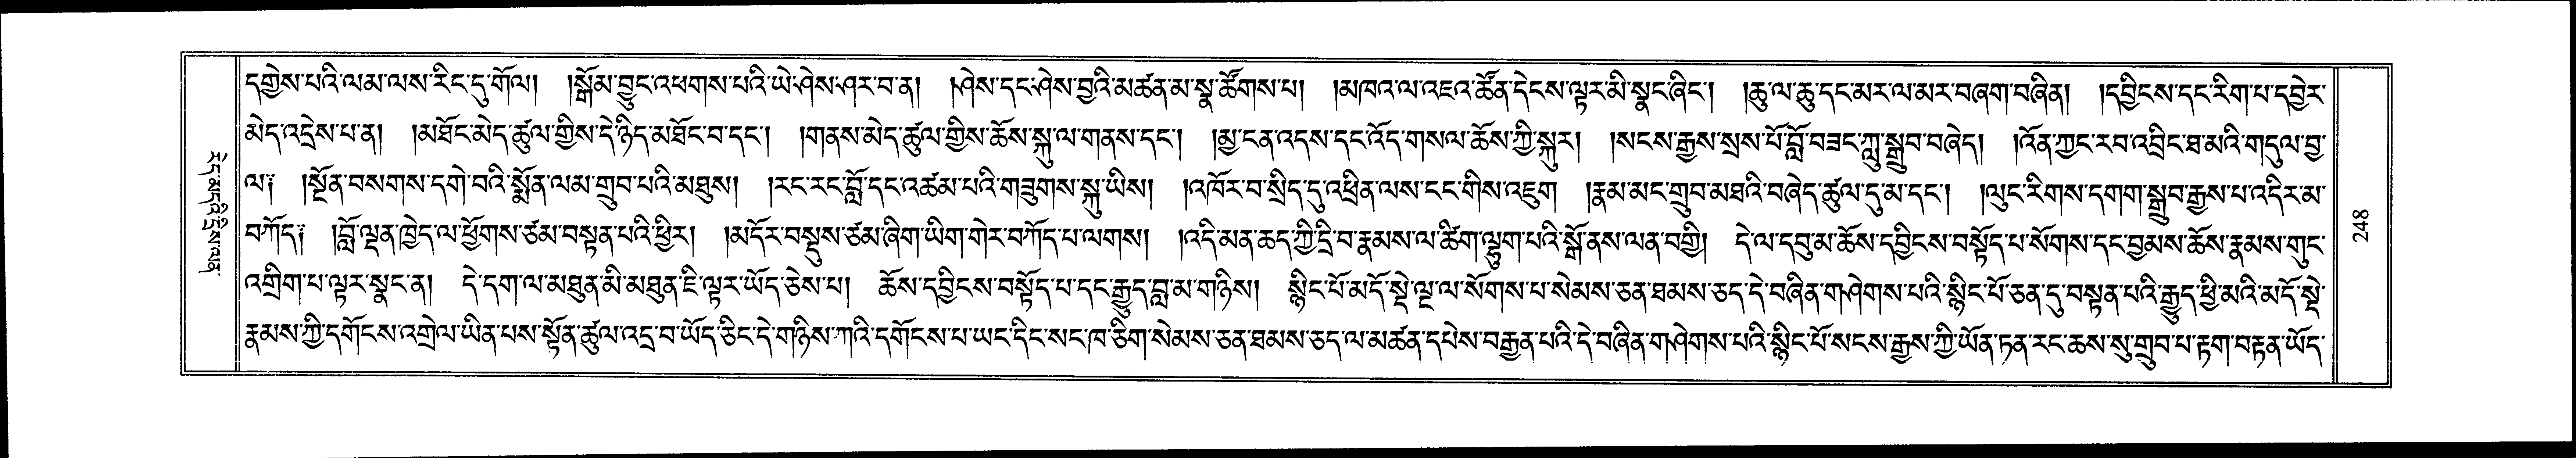དགྱེས་པའི་ལམ་ལས་རིང་དུ་གོལ། །སྒོམ་བྱུང་འཕགས་པའི་ཡེ་ཤེས་ཤར་བ་ན། །ཤེས་དང་ཤེས་བྱའི་མཚན་མ་སྣ་ཚོགས་པ། མཁའ་ལ་འཇའ་ཚོན་དེངས་ལྟར་མི་སྣང་ཞིང་། །ཆུ་ལ་ཆུ་དང་མར་ལ་མར་བཞག་བཞིན། །དབྱིངས་དང་རིག་པ་དབྱེར་
མེད་འདྲེས་པ་ན། །མཐོང་མེད་ཚུལ་གྱིས་དེ་ཉིད་མཐོང་བ་དང་། །གནས་མེད་ཚུལ་གྱིས་ཆོས་སྐུ་ལ་གནས་དང་། །མྱ་ངན་འདས་དང་འོད་གསལ་ཆོས་ཀྱི་སྐུར། །སངས་རྒྱས་སྲས་པོ་བློ་བཟང་ཀླུ་སྒྲུབ་བཞེད། །འོན་ཀྱང་རབ་འབྲིང་ཐ་མའི་གདུལ་བྱ་
ལ། །སྔོན་བསགས་དགེ་བའི་སྨོན་ལམ་གྲུབ་པའི་མཐུས། །རང་རང་བློ་དང་འཚམ་པའི་གཟུགས་སྐུ་ཡིས། །འཁོར་བ་སྲིད་དུ་འཕྲིན་ལས་ངང་གིས་འཇུག །རྣམ་མང་གྲུབ་མཐའི་བཞེད་ཚུལ་དུ་མ་དང་། །ལུང་རིགས་དགག་སྒྲུབ་རྒྱས་པ་འདིར་མ་
བཀོད། །བློ་ལྡན་ཁྱེད་ལ་ཕྱོགས་ཙམ་བསྟན་པའི་ཕྱིར། །མདོར་བསྡུས་ཙམ་ཞིག་ཡིག་གེར་བཀོད་པ་ལགས། །འདི་མན་ཆད་ཀྱི་དྲི་བ་རྣམས་ལ་ཚིག་ལྷུག་པའི་སྒོ་ནས་ལན་བགྱི། དེ་ལ་དབུ་མ་ཆོས་དབྱིངས་བསྟོད་པ་སོགས་དང་བྱམས་ཆོས་རྣམས་གུང་
འགྲིག་པ་ལྟར་སྣང་ན། དེ་དག་ལ་མཐུན་མི་མཐུན་ཇི་ལྟར་ཡོད་ཅེས་པ། ཆོས་དབྱིངས་བསྟོད་པ་དང་རྒྱུད་བླ་མ་གཉིས། སྙིང་པོ་མདོ་སྡེ་ལྔ་ལ་སོགས་པ་སེམས་ཅན་ཐམས་ཅད་དེ་བཞིན་གཤེགས་པའི་སྙིང་པོ་ཅན་དུ་བསྟན་པའི་རྒྱུད་ཕྱི་མའི་མདོ་སྡེ་
རྣམས་ཀྱི་དགོངས་འགྲེལ་ཡིན་པས་སྟོན་ཚུལ་འདྲ་བ་ཡོད་ཅིང་དེ་གཉིས་ཀའི་དགོངས་པ་ཡང་དིང་སང་ཁ་ཅིག་སེམས་ཅན་ཐམས་ཅད་ལ་མཚན་དཔེས་བརྒྱན་པའི་དེ་བཞིན་གཤེགས་པའི་སྙིང་པོ་སངས་རྒྱས་ཀྱི་ཡོན་ཏན་རང་ཆས་སུ་གྲུབ་པ་རྟག་བརྟན་ཡོད་